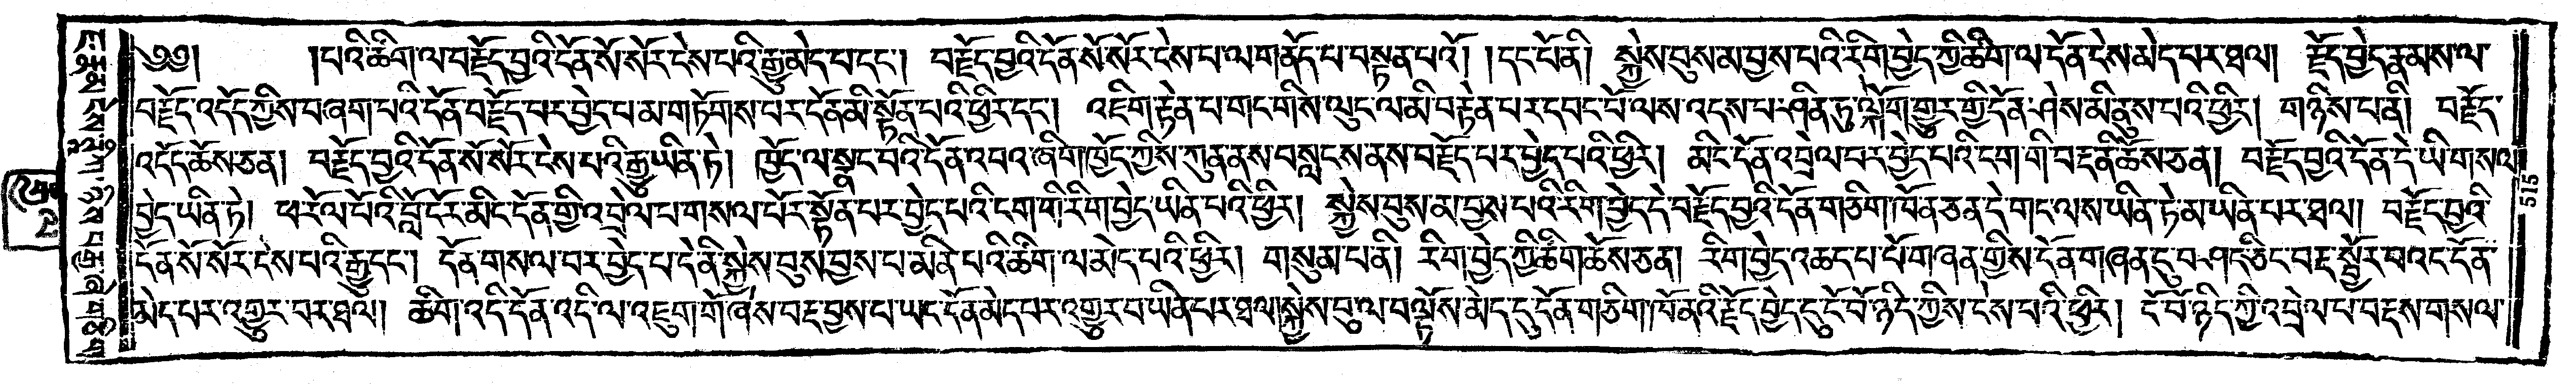༄༅། །པའི་ཚིག་ལ་བརྗོད་བྱའི་དོན་སོ་སོར་ངེས་པའི་རྒྱུ་མེད་པ་དང་། བརྗོད་བྱའི་དོན་སོ་སོར་ངེས་པ་ལ་གནོད་པ་བསྟན་པའོ། །དང་པོ་ནི། སྐྱེས་བུས་མ་བྱས་པའི་རིག་བྱེད་ཀྱི་ཚིག་ལ་དོན་ངེས་མེད་པར་ཐལ། རྗོད་བྱེད་རྣམས་ལ་
བརྗོད་འདོད་ཀྱིས་བཞག་པའི་དོན་བརྗོད་པར་བྱེད་པ་མ་གཏོགས་པར་དོན་མི་སྟོན་པའི་ཕྱིར་དང་། འཇིག་རྟེན་པ་གང་གིས་ལུང་ལ་མི་བརྟེན་པར་དབང་པོ་ལས་འདས་པ་ཤིན་ཏུ་ལྐོག་གྱུར་གྱི་དོན་ཤེས་མི་ནུས་པའི་ཕྱིར། གཉིས་པ་ནི། བརྗོད་
འདོད་ཆོས་ཅན། བརྗོད་བྱའི་དོན་སོ་སོར་ངེས་པའི་རྒྱུ་ཡིན་ཏེ། ཁྱོད་ལ་སྣང་བའི་དོན་འབའ་ཞིག་ཁྱོད་ཀྱིས་ཀུན་ནས་བསླངས་ནས་བརྗོད་པར་བྱེད་པའི་ཕྱིར། མིང་དོན་འབྲེལ་བར་བྱེད་པའི་ངག་གི་བརྡ་ནི་ཆོས་ཅན། བརྗོད་བྱའི་དོན་དེ་ཡི་གསལ་
བྱེད་ཡིན་ཏེ། ཕ་རོལ་པོའི་བློ་ངོར་མིང་དོན་གྱི་འབྲེལ་པ་གསལ་པོར་སྟོན་པར་བྱེད་པའི་ངག་གི་རིག་བྱེད་ཡིན་པའི་ཕྱིར། སྐྱེས་བུས་མ་བྱས་པའི་རིག་བྱེད་དེ་བརྗོད་བྱའི་དོན་གཅིག་ཁོ་ན་ཅན་དེ་གང་ལས་ཡིན་ཏེ་མ་ཡིན་པར་ཐལ། བརྗོད་བྱའི་
དོན་སོ་སོར་ངེས་པའི་རྒྱུ་དང་། དོན་གསལ་བར་བྱེད་པ་དེ་ནི་སྐྱེས་བུས་བྱས་པ་མིན་པའི་ཚིག་ལ་མེད་པའི་ཕྱིར། གསུམ་པ་ནི། རིག་བྱེད་ཀྱི་ཚིག་ཆོས་ཅན། རིག་བྱེད་འཆད་པ་པོ་གཞན་གྱིས་དོན་གཞན་དུ་བཤད་ཅིང་བརྡ་སྦྱོར་བའང་དོན་
མེད་པར་འགྱུར་བར་ཐལ། ཚིག་འདི་དོན་འདི་ལ་འཇུག་གོ་ཞེས་བརྡ་བྱས་པ་ཡང་དོན་མེད་པར་འགྱུར་བ་ཡིན་པར་ཐལ། སྐྱེས་བུ་ལ་བལྟོས་མེད་དུ་དོན་གཅིག་ཁོ་ནའི་རྗོད་བྱེད་དུ་ངོ་བོ་ཉིད་ཀྱིས་ངེས་པའི་ཕྱིར། ངོ་བོ་ཉིད་ཀྱི་འབྲེལ་པ་བརྡས་གསལ་